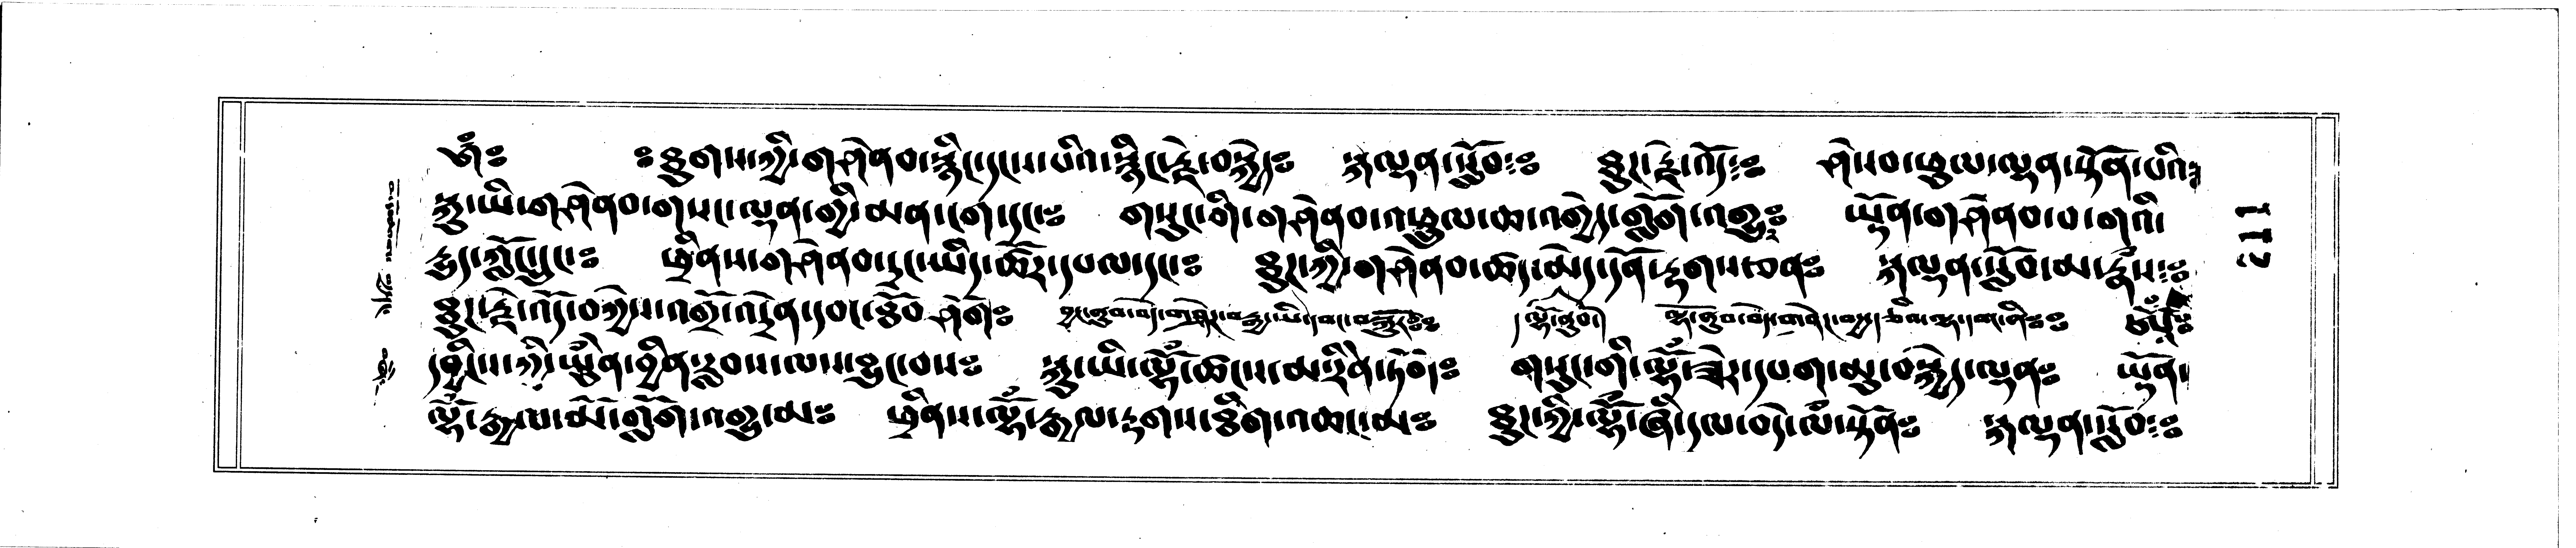ཐུགས་ཀྱི་གཤེན་རབ་སྙིང་དང་པས་སྙིང་རྗེ་སྐྱེདཿ སྐལ་ལྡན་སློབ་མ་རྣམས་ལ་དབང་བསྐུར་བསཿ ཐུགས་རྗེ་འོད་བཀྱེས་འགྲོ་འདྲེན་དབང་ཐོབ་ཤོགཿ ཤེས་རབ་ཕུལ་ལྡན་སྟོན་པའི་འོད་ཟེར་ལསཿ 
སྐུ་ཡི་གཤེན་རབ་གསང་ལྡན་གྱི་མན་ངག་དངཿ གསུང་གི་གཤེན་རབ་འཕྲུལ་ཆ་འགྱེད་གློག་འགྱུཿ ཡོན་ཏན་གཤེན་རབ་བ་དཀར་གྱི་
རྒྱུད་ཀློང་དྲུངཿ ཕྲིན་ལས་ཀྱི་གཤེན་རབ་དྲང་ཡིད་ཚོར་དཔལ་དངཿ ཐུགས་ཀྱི་གཤེན་རབ་ཚད་མེད་དོན་རྟགས་ཅནཿ སྐལ་ལྡན་སློབ་མ་རྣམས་ལ་དབང་བསྐུར་བསཿ 
ཐུགས་རྗེ་འོད་བཀྱེས་འགྲོ་འདྲེན་དབང་ཐོབ་ཤོགཿ བྱང་ནུབ་བདེར་གཤེགས་བརྒྱ་ཡི་དབང་བསྐུར་རོཿ ༼ལྷོ་ནུབ༽ལྷོ་ནུབ་བདེར་གཤེགས་བརྒྱ་ཡི་ལྷ་དབང་ནིཿ ཨཱོྃཿ
དབྱིངས་ཀྱི་ཡུམ་ཆེན་བྱིན་རླབས་ལས་བྱུང་བའིཿ སྐུ་ཡི་ལྷ་མོ་ཚངས་མ་རིན་ཆེན་ཏོགཿ གསུང་གི་ལྷ་མོ་ཟེར་དཔག་མུ་སྐྱེད་ལྡནཿ ཡོན་ཏན་གྱི་
ལྷ་མོ་རྒྱལ་མོ་གློག་འགྱུར་མཿ ཕྲིན་ལས་ལྷ་མོ་རྒྱལ་རྟགས་ཀྱི་ཐིག་འཆང་མཿ ཐུགས་ཀྱི་ལྷ་མོ་ཞི་དལ་བདེ་ལམ་སྟོནཿ སྐལ་ལྡན་སློབ་མ་རྣམས་ལ་དབང་བསྐུར་བསཿ